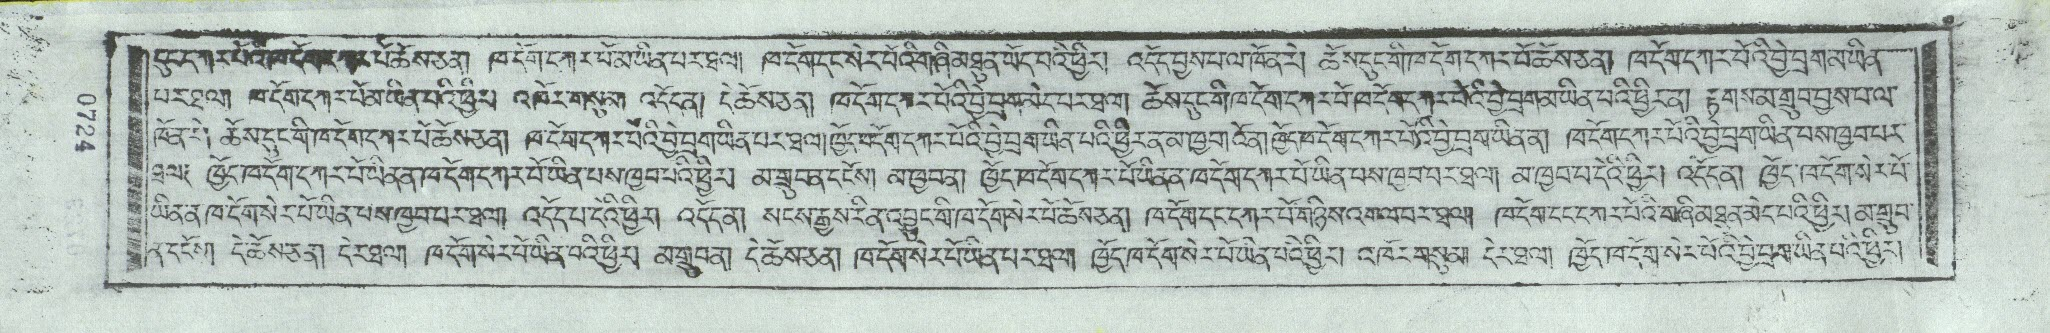དུང་དཀར་པོའི་ཁ་དོག་དཀར་པོ་ཆོས་ཅན། ཁ་དོག་དཀར་པོ་མ་ཡིན་པར་ཐལ། ཁ་དོག་དང་སེར་པོའི་གཞི་མཐུན་ཡོད་པའི་ཕྱིར། འདོད་བྱས་པ་ལ་ཁོ་ན་རེ། ཆོས་དུང་གི་ཁ་དོག་དཀར་པོ་ཆོས་ཅན། ཁ་དོག་དཀར་པོའི་བྱེ་བྲག་མ་ཡིན་
པར་ཐལ། ཁ་དོག་དཀར་པོ་མ་ཡིན་པའི་ཕྱིར། འཁོར་གསུམ། འདོད་ན། དེ་ཆོས་ཅན། ཁ་དོག་དཀར་པོའི་བྱེ་བྲག་མེད་པར་ཐལ། ཆོས་དུང་གི་ཁ་དོག་དཀར་པོ་ཁ་དོག་དཀར་པོའི་བྱེ་བྲག་མ་ཡིན་པའི་ཕྱིར་ན། རྟགས་མ་གྲུབ་བྱས་པ་ལ་
ཁོ་ན་རེ། ཆོས་དུང་གི་ཁ་དོག་དཀར་པོ་ཆོས་ཅན། ཁ་དོག་དཀར་པོའི་བྱེ་བྲག་ཡིན་པར་ཐལ། ཁྱོད་ཁ་དོག་དཀར་པོའི་བྱེ་བྲག་ཡིན་པའི་ཕྱིར་ན་མ་ཁྱབ། འོ་ན། ཁྱོད་ཁ་དོག་དཀར་པོའི་བྱེ་བྲག་ཡིན་ན། ཁ་དོག་དཀར་པོའི་བྱེ་བྲག་ཡིན་པས་ཁྱབ་པར་
ཐལ༑ ཁྱོད་ཁ་དོག་དཀར་པོ་ཡིན་ན་ཁ་དོག་དཀར་པོ་ཡིན་པས་ཁྱབ་པའི་ཕྱིར། མ་གྲུབ་ན་དངོས། མ་ཁྱབ་ན། ཁྱོད་ཁ་དོག་དཀར་པོ་ཡིན་ན་ཁ་དོག་དཀར་པོ་ཡིན་པས་ཁྱབ་པར་ཐལ། མ་ཁྱབ་པ་དེའི་ཕྱིར། འདོད་ན། ཁྱོད་ཁ་དོག་སེར་པོ་
ཡིན་ན་ཁ་དོག་སེར་པོ་ཡིན་པས་ཁྱབ་པར་ཐལ། འདོད་པ་དེའི་ཕྱིར། འདོད་ན། སངས་རྒྱས་རིན་འབྱུང་གི་ཁ་དོག་སེར་པོ་ཆོས་ཅན། ཁ་དོག་དང་དཀར་པོ་གཉིས་འགལ་བར་ཐལ། ཁ་དོག་དང་དཀར་པོའི་གཞི་མཐུན་མེད་པའི་ཕྱིར། མ་གྲུབ་
ན་དངོས། དེ་ཆོས་ཅན། དེར་ཐལ། ཁ་དོག་སེར་པོ་ཡིན་པའི་ཕྱིར། མ་གྲུབ་ན། དེ་ཆོས་ཅན། ཁ་དོག་སེར་པོ་ཡིན་པར་ཐལ། ཁྱོད་ཁ་དོག་སེར་པོ་ཡིན་པའི་ཕྱིར། འཁོར་གསུམ། དེར་ཐལ། ཁྱོད་ཁ་དོག་སེར་པོའི་བྱེ་བྲག་ཡིན་པའི་ཕྱིར།